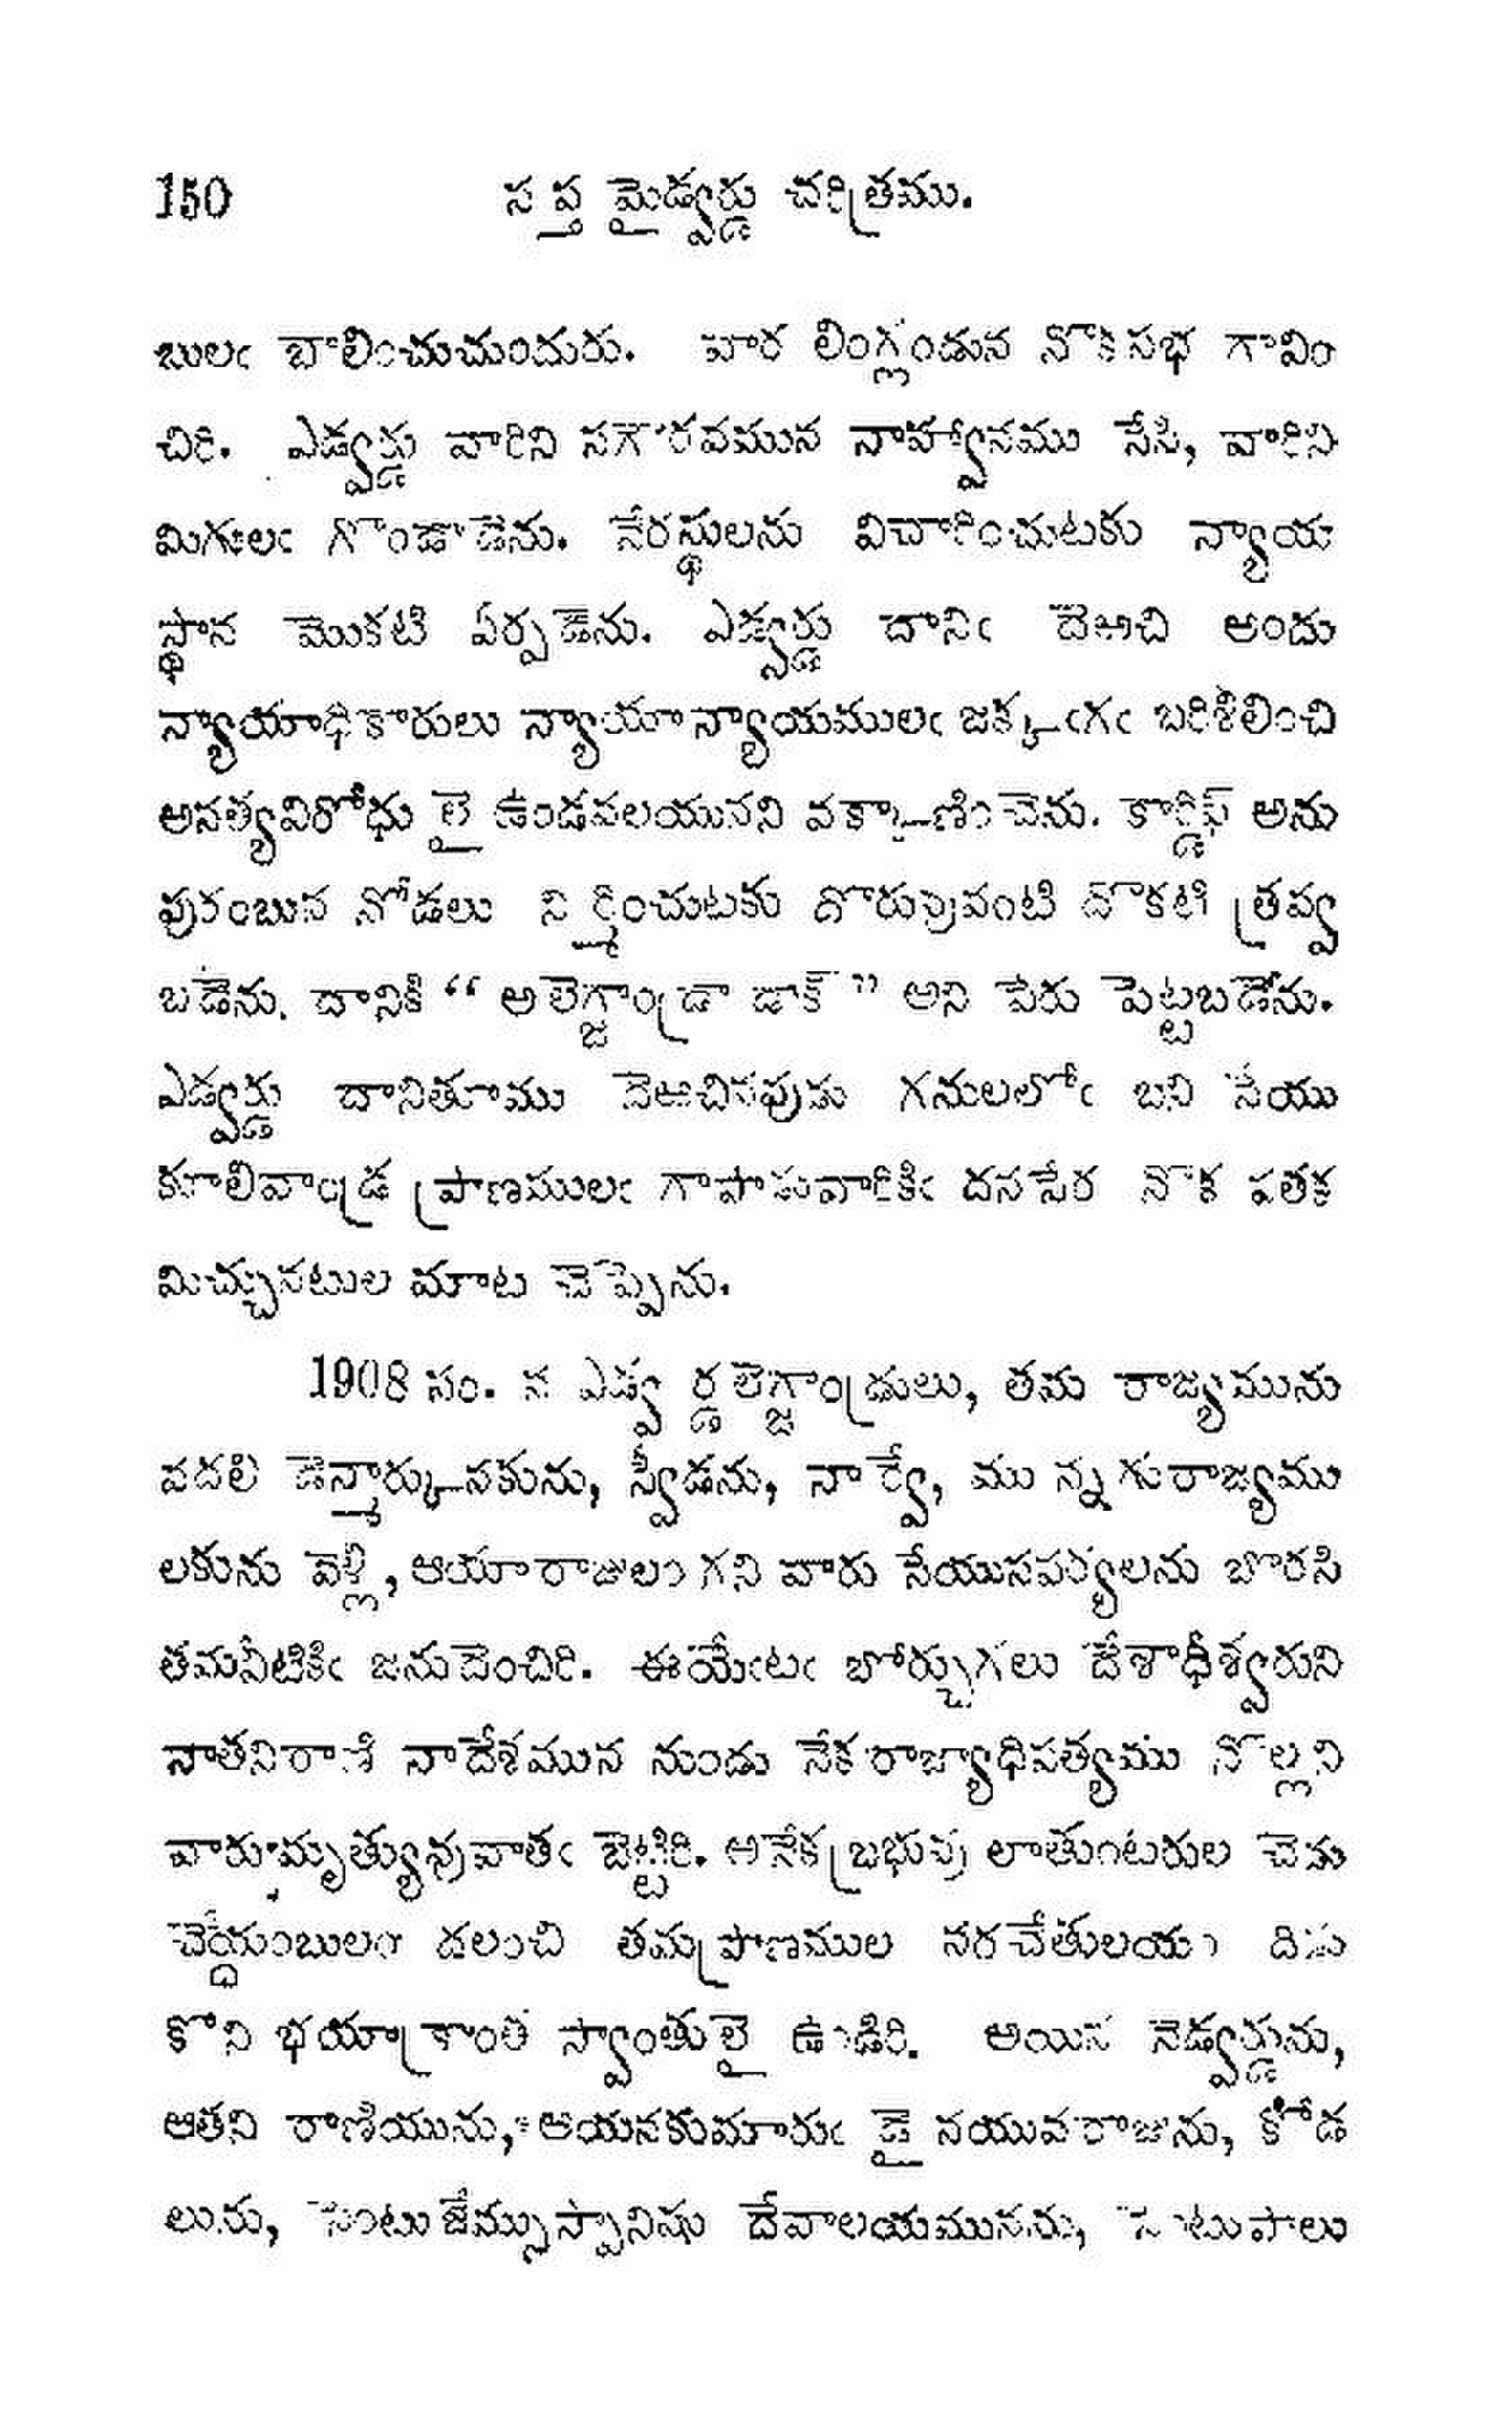బులఁ బాలించు చుందురు. వార లింగ్లండున నొక సభ గావించిరి. ఎడ్వర్డు వారిని సగౌరవమున నాహ్వానము సేసి, వారిని మిగుల గొండా డెను. నేరస్థులను విచారించుటకు న్యాయస్థాన మొకటి ఏర్పడెను. ఎడ్వర్డు దాన్ని దెఱచి అందున్యాయాధికారులు న్యాయాన్యాయములఁ జక్కఁగఁ బరిశీలించి అనత్య విరోధు లై ఉండవలయునని వక్కాణించెను.కార్డిఫ్ అను పురంబున నోడలు నిర్మించుటకు దొరురు వంటి దొకటి త్రవ్వ బడెను. దానికి " అలెగ్జాండ్రా డాక్ " అని పేరు పెట్టబడెను.ఎడ్వడు దానితూము దెఱచిన పుడు గనులలోఁ బని 'సేయు
కూలివాండ్ర ప్రాణములు: గాపాడు వారికిఁ దన పేర నొక పతకమిచ్చునటుల మాట చెప్పెను.

1908 సం. న ఎక్వర్ణ లెగ్జాండ్రులు, తమ రాజ్యమునువదలి డెనార్కునకును, స్వీడను, నార్వే, మున్నగు రాజ్యములకును వెళ్లి, ఆయా రాజుల గని వారు సేయు సపర్యలను బొరసి
తమనీటికిఁ జనుదెంచిరి. ఈయేఁటఁ బోర్చుగలు దేశాధీశ్వరుని నాతని రాణి నాదేశమున నుండు నేక రాజ్యాధిపత్యము నొల్లనివారు మృత్యువువాతఁ బెట్టిరి. అ నేక బ్రభువు లాతుంటరుల చెడు
చెయ్దం బులం దలచి తమ ప్రాణముల నర చేతుల యందిడు కోని భయా క్రాంత స్వాంతులై ఉండిరి. అయిన ఎడ్వెర్డును అతని రాణియును, ఆయనకుమారుఁ డైనయువ రాజును, కోడ
లును, "సెంటు జేమ్సుస్పానిషు దేవాలయమునను, " సెంటుపాలు